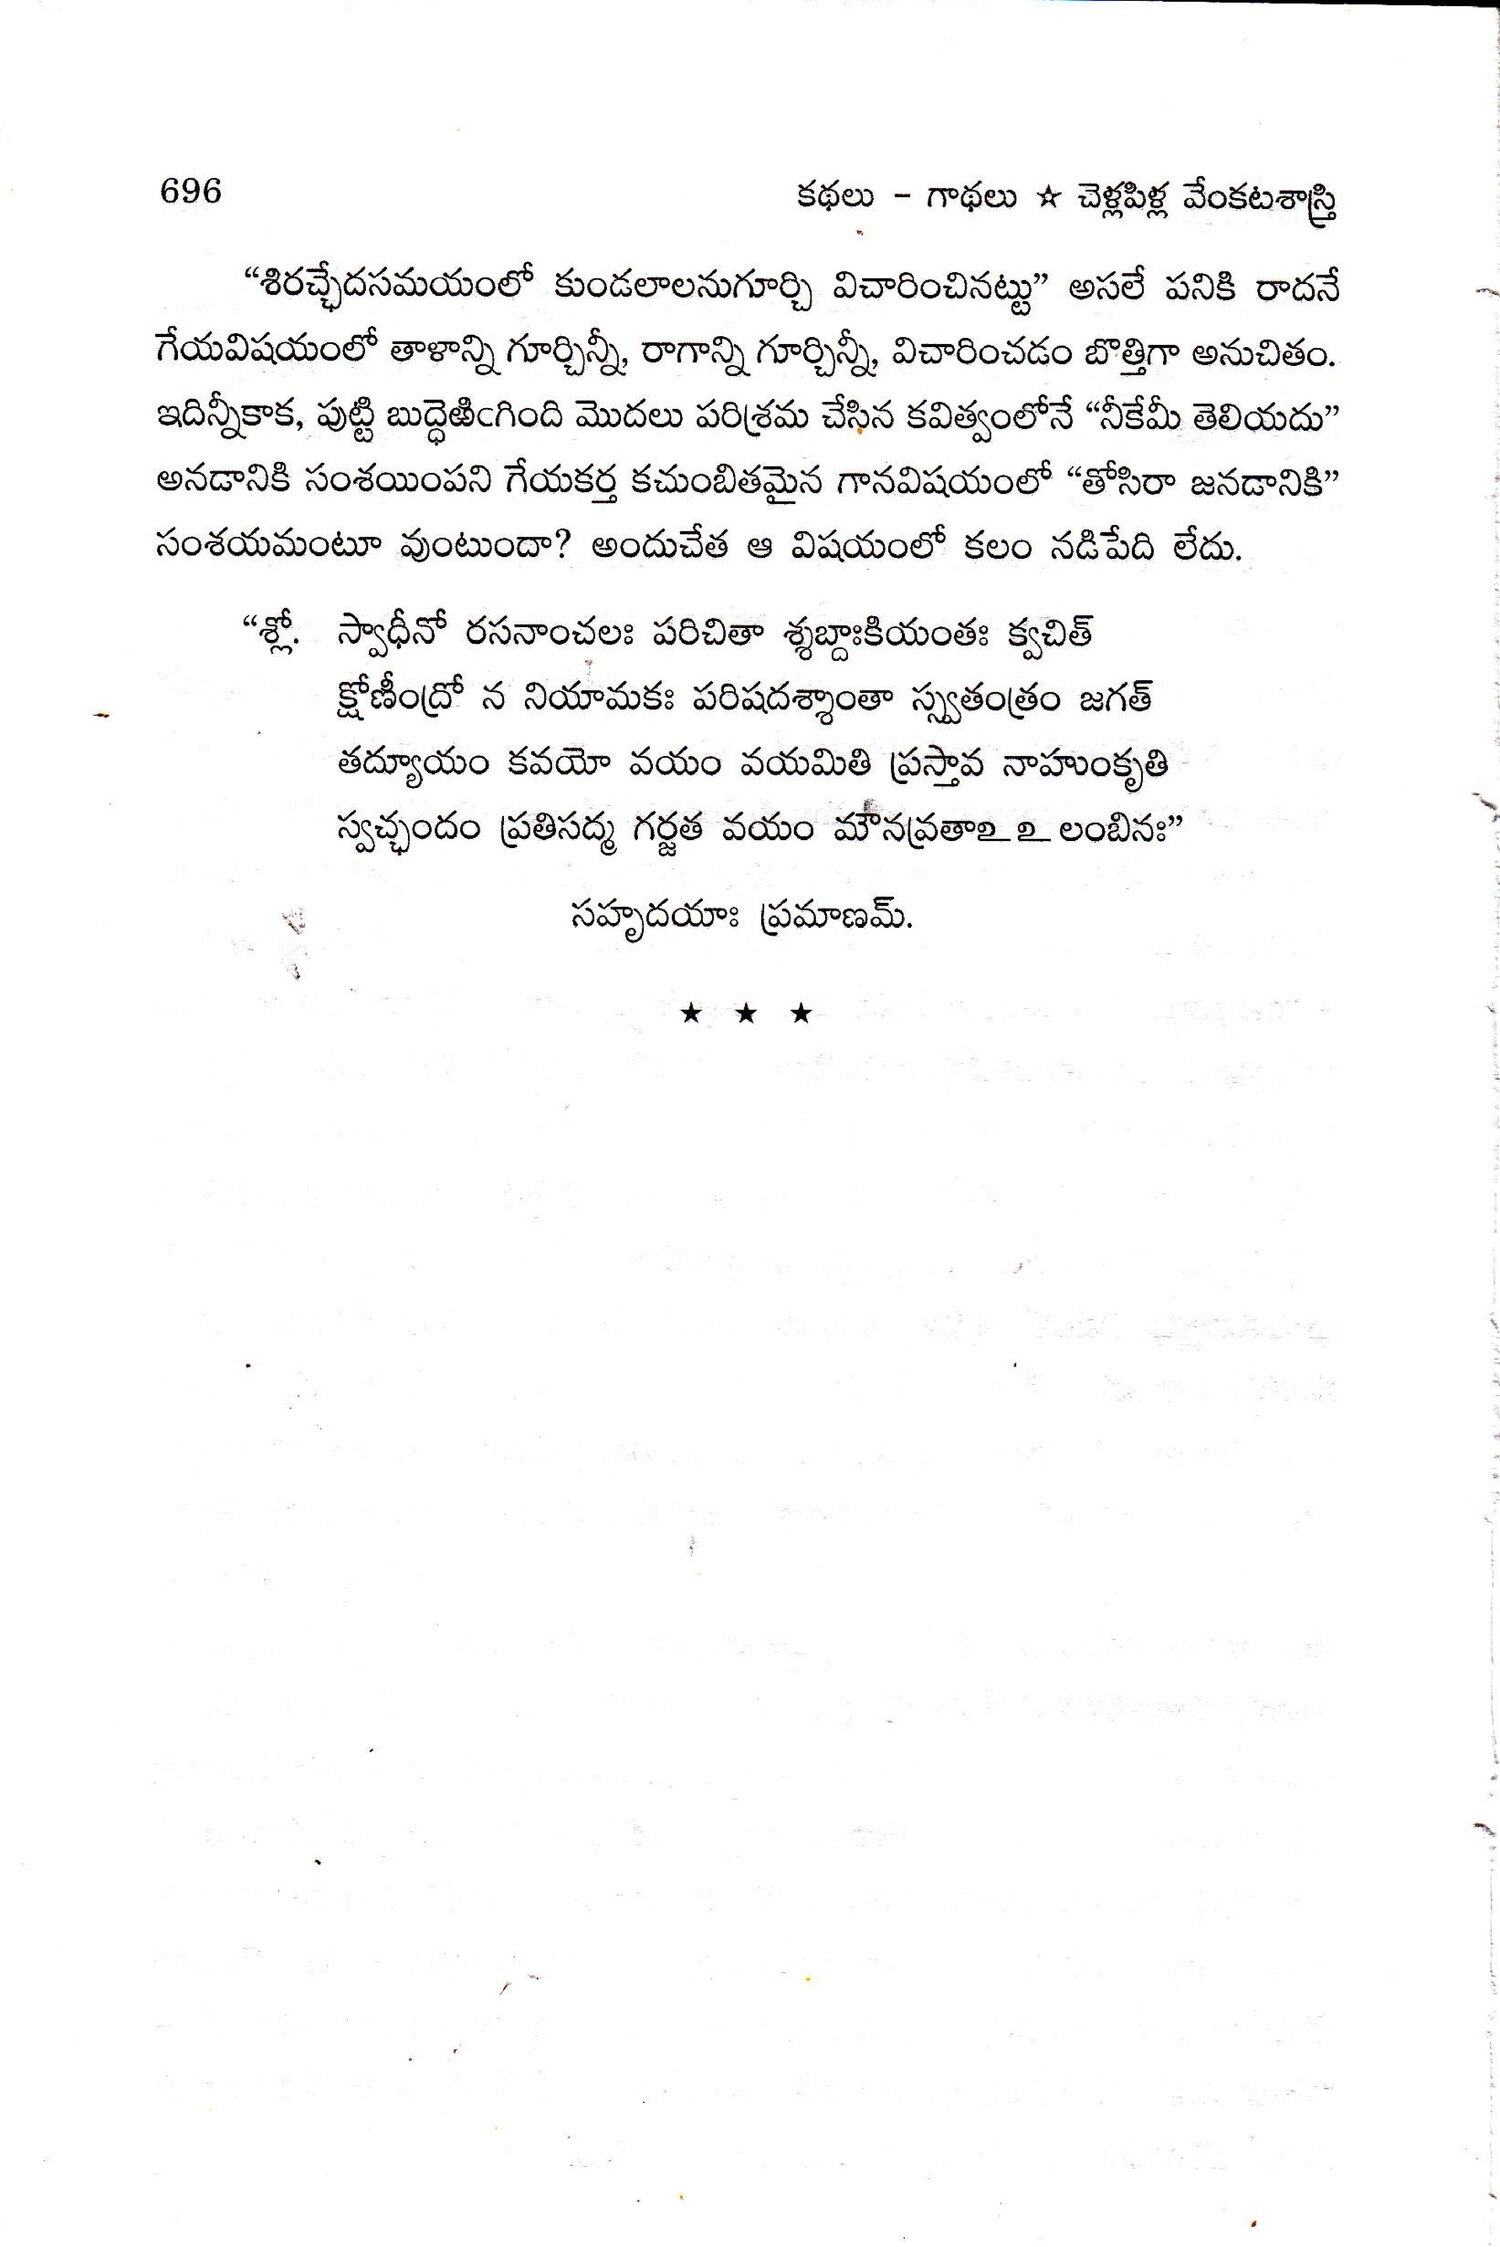“శిరచ్ఛేదసమయంలో కుండలాలనుగూర్చి విచారించినట్టు" అసలే పనికి రాదనే గేయవిషయంలో తాళాన్ని గూర్చిన్నీ రాగాన్ని గూర్చిన్నీ విచారించడం బొత్తిగా అనుచితం. ఇదిన్నీకాక, పుట్టి బుద్దెఱిఁగింది మొదలు పరిశ్రమ చేసిన కవిత్వంలోనే "నీకేమీ తెలియదు" అనడానికి సంశయింపని గేయకర్త కచుంబితమైన గానవిషయంలో “తోసిరా జనడానికి" సంశయమంటూ వుంటుందా? అందుచేత ఆ విషయంలో కలం నడిపేది లేదు.

“శ్లో. స్వాధీనో రసనాంచలః పరిచితా శబ్దాఃకియంతః క్వచిత్
 క్షోణీంద్రో న నియామకః పరిషదశ్శాంతా స్స్వతంత్రం జగత్ 
 తద్యూయం కవయో వయం వయమితి ప్రస్తావ నాహుంకృతి 
 స్వచ్ఛందం ప్రతిసద్మ గర్ణత వయం మౌనవ్రతా౽౽లంబినః"
 
 సహృదయాః ప్రమాణమ్.